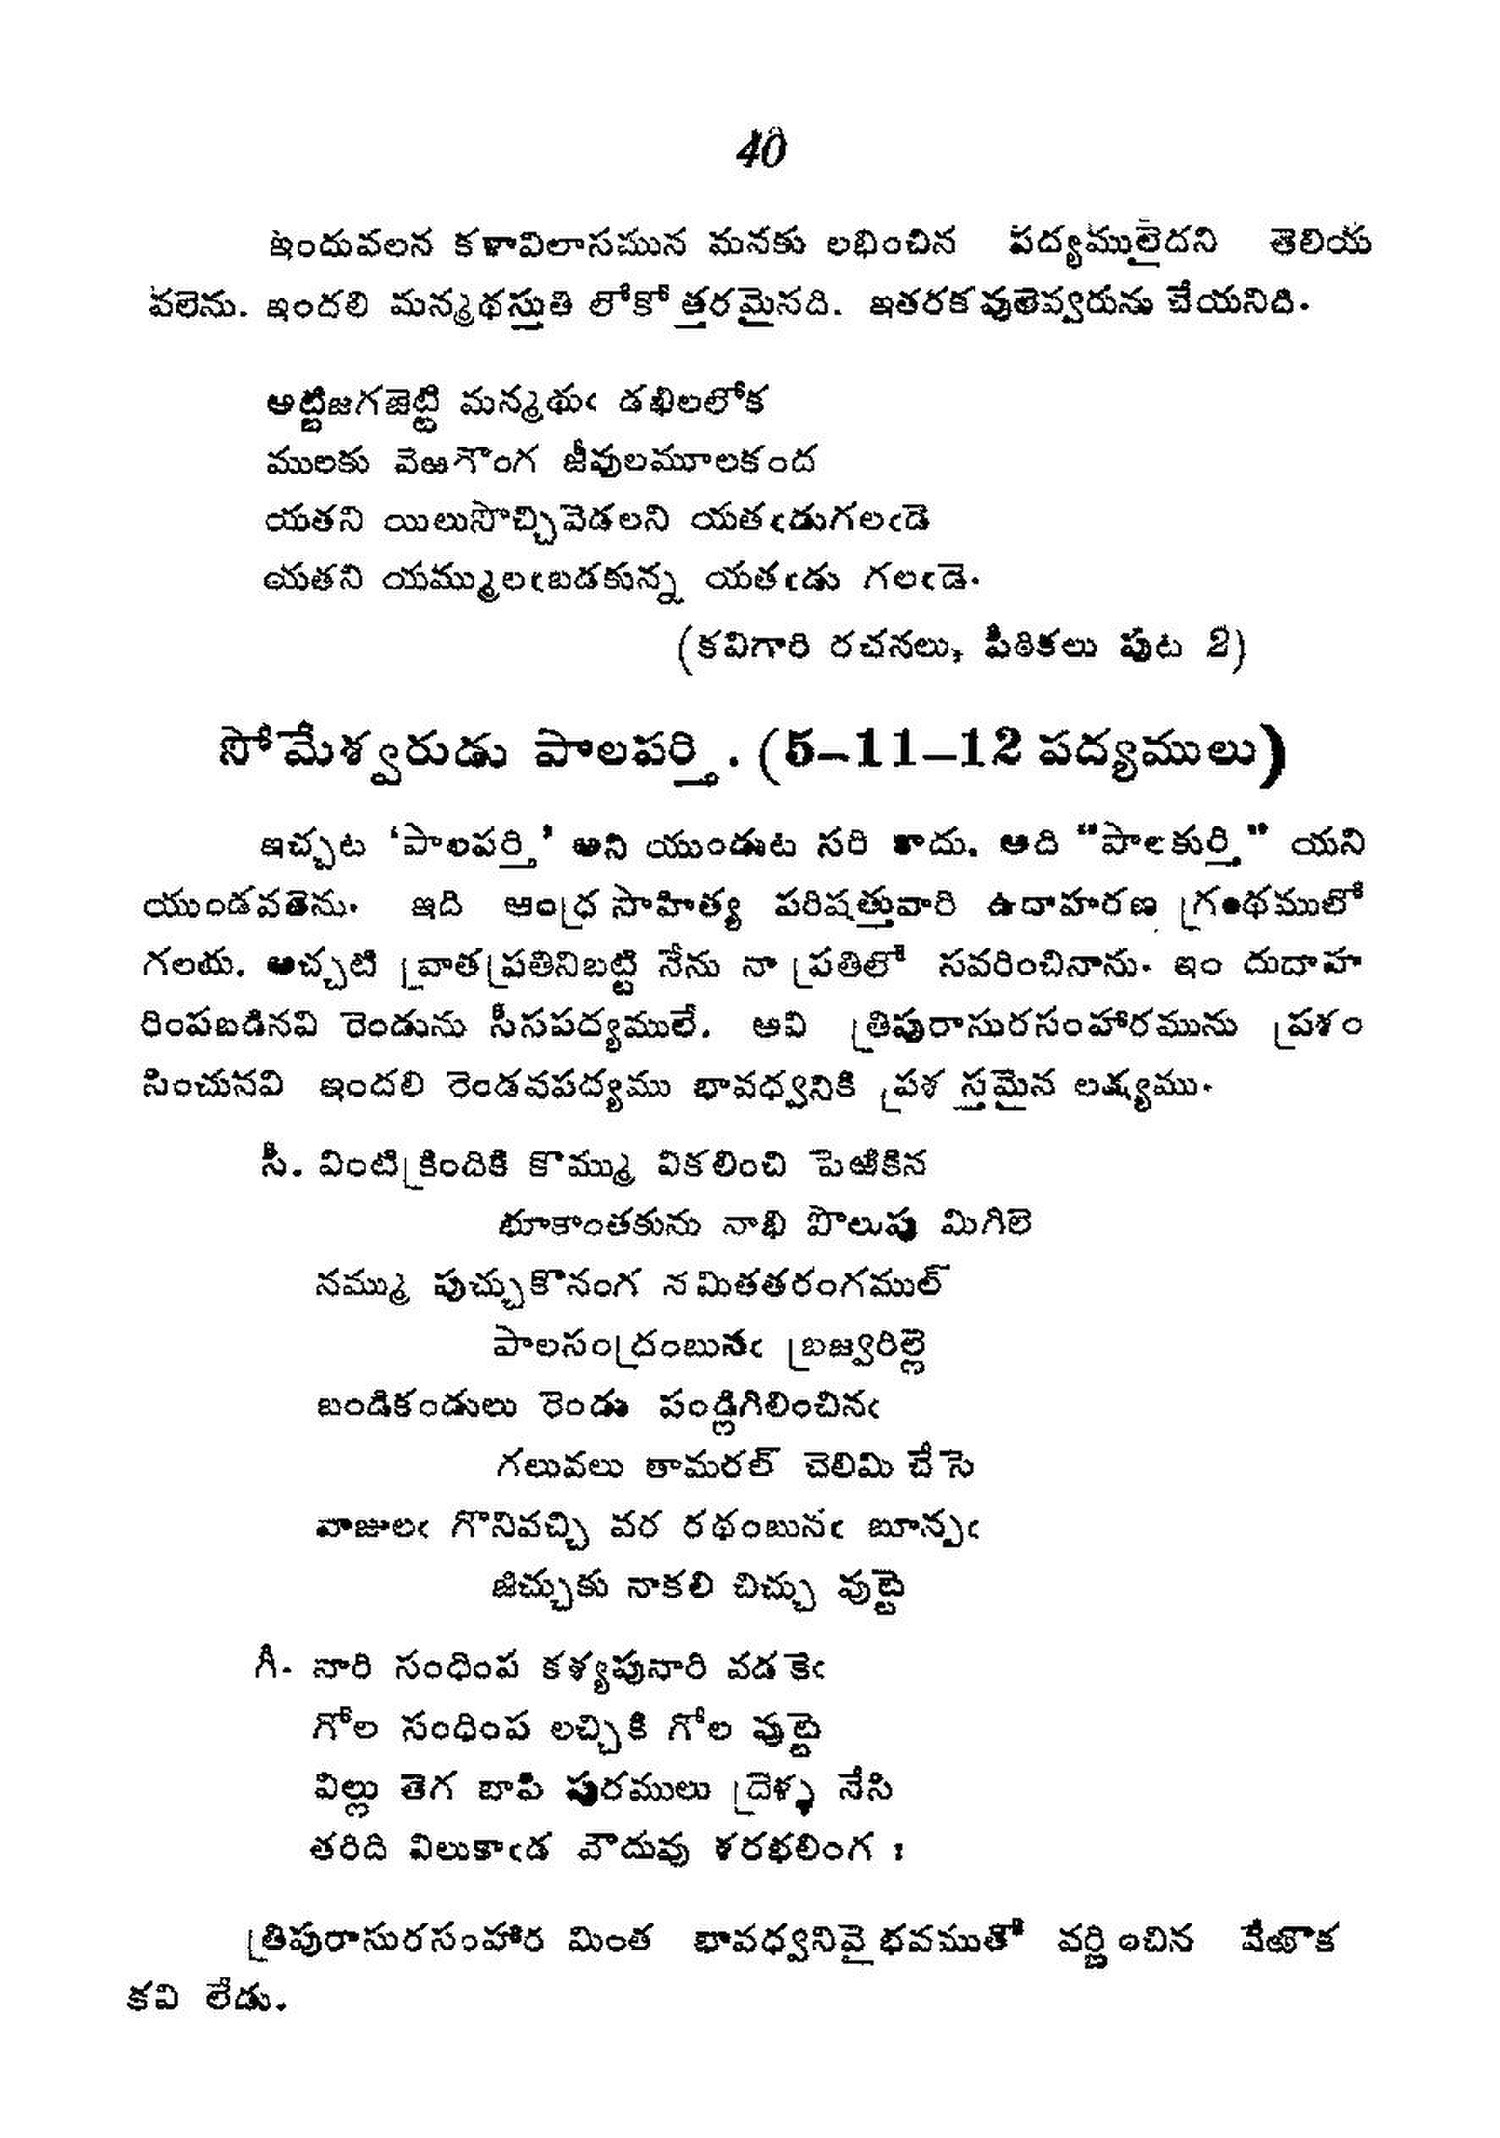ఇందువలన కళావిలాసమున మనకు లభించిన పద్యములైదని తెలియ
వలెను. ఇందలి మన్మథస్తుతి లోకోత్తరమైనది. ఇతరకవులెవ్వరును చేయనిది.

అభిజగజెట్టి మన్మథుఁ డఖిలలోక
ములకు వేఱగొంగ జీవులమూలకంద
యతని యిలుసొచ్చి వెడలని యతఁడుగలఁడె
యతని యమ్ములఁబడకున్న యతఁడు గలఁడె.
.....................................................................(కవిగారి రచనలు, పీఠికలు పుట 2)

ఇచ్చట 'పాలపర్తి ' అని యుండుట సరి కాదు. అది "పాలకుర్తి " యని
యుండవలెను. ఇది ఆంధ్ర సాహిత్య పరిషత్తువారి ఉదాహరణ గ్రంథములో
గలదు. అచ్చటి వ్రాతప్రతినిబట్టి నేను నా ప్రతిలో సవరించినాను. ఇం దుదాహ
రింపబడినవి రెండును సీసపద్యములే. అవి త్రిపురాసుర సంహారమును ప్రశం
సించునవి ఇందలి రెండవపద్యము భావధ్వనికి ప్రశస్తమైన లక్ష్యము .

సి. వింటి క్రిందికి కొమ్ము వికలించి పేఱికిన
 భూకాంతకును నాభి పొలుప మిగిలె
నమ్ము పుచ్చుకొనంగ నమితతరంగముల్
 పాలసంద్రంబునఁ బ్రజ్వరిల్లె
బండికండులు రెండు పండ్లిగిలించిన
 గలువలు తామరల్ చెలిమి చేసె
వాజులఁ గొనివచ్చి వర రథంబునఁ బూన్ప
 జిచ్చుకు నాకలి చిచ్చు పుట్టె

సి. నారి సంధింప కశ్యపునారి వడకే
గోల సంధింప లచ్చికి గోల వుట్టె
విల్లు తెగ బాపి పరములు దైళ్ళ నేసి
తరిది విలుకాఁడ వైదువు శరభలింగ!

త్రిపురాసుర సంహార మింత భావధ్వని వైభవముతో వర్ణించిన వేఱొక
కవి లేడు.